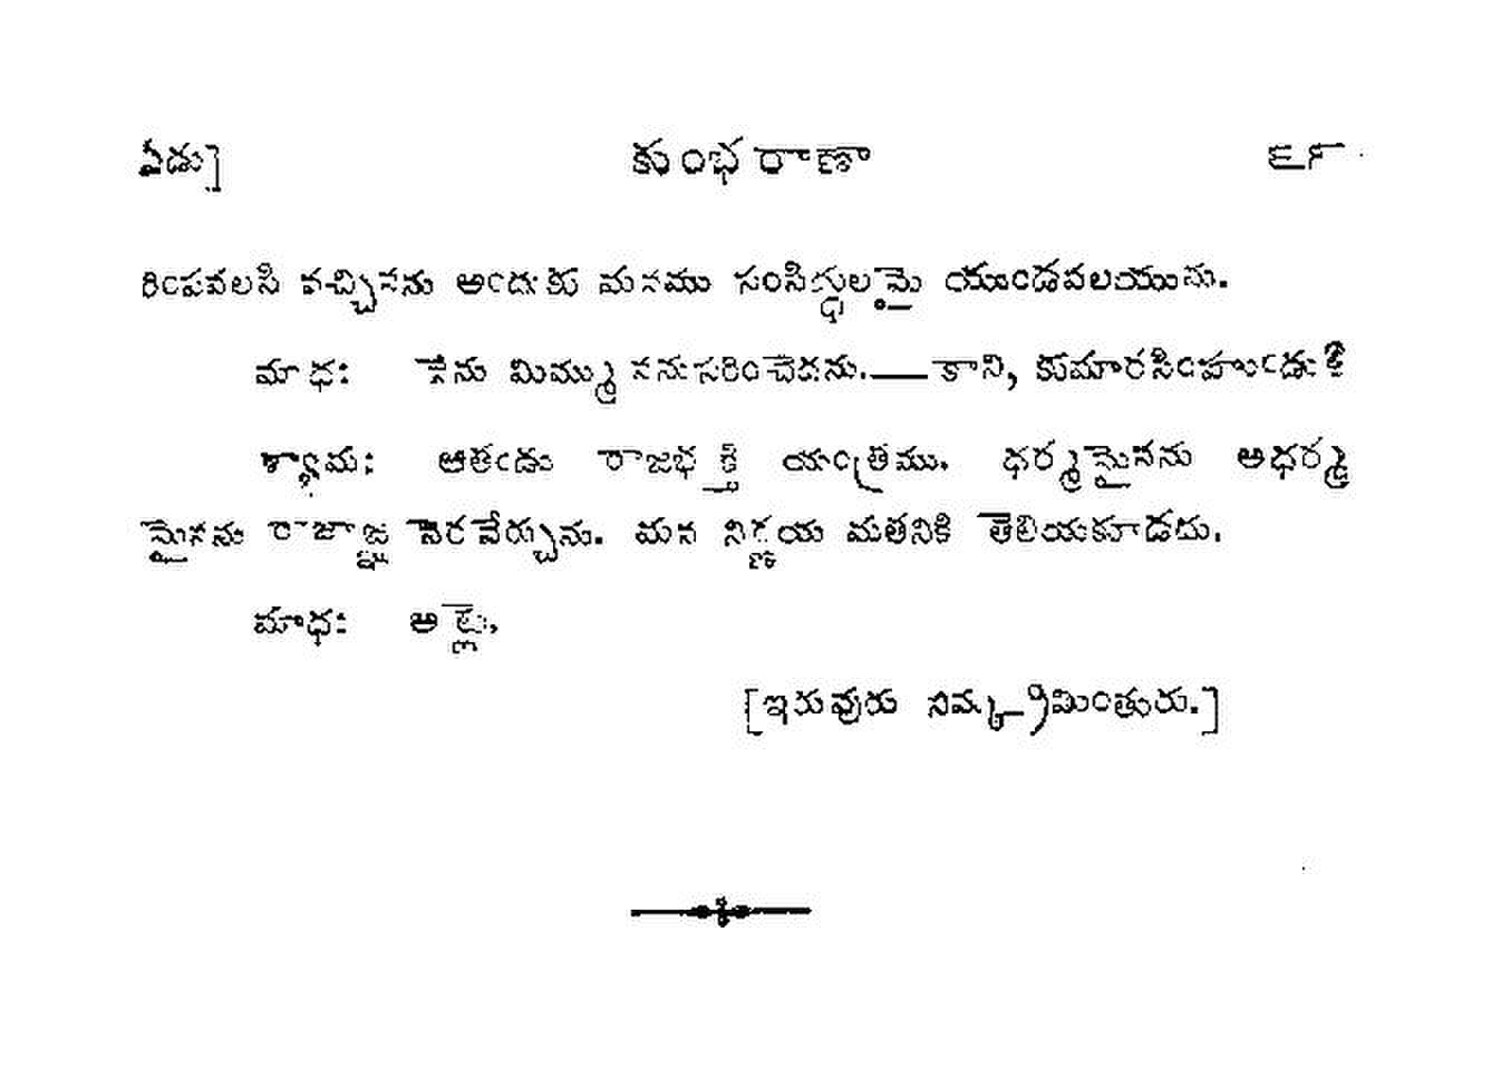రింపవలసి వచ్చినను అందుకు మనము సంసిద్ధులమై యుండవలయును.

మాధ : నేను మిమ్ము ననుసరించెదను. - కాని, కుమారసింహుఁడు ?

శ్యామ : ఆతఁడు రాజభక్తి యంత్రము. ధర్మమైనను అధర్మ మైనను రాజాజ్ఞ నెరవేర్చును. మన నిర్ణయ మతనికి తెలియకూడదు.

మాధ : అట్లె.